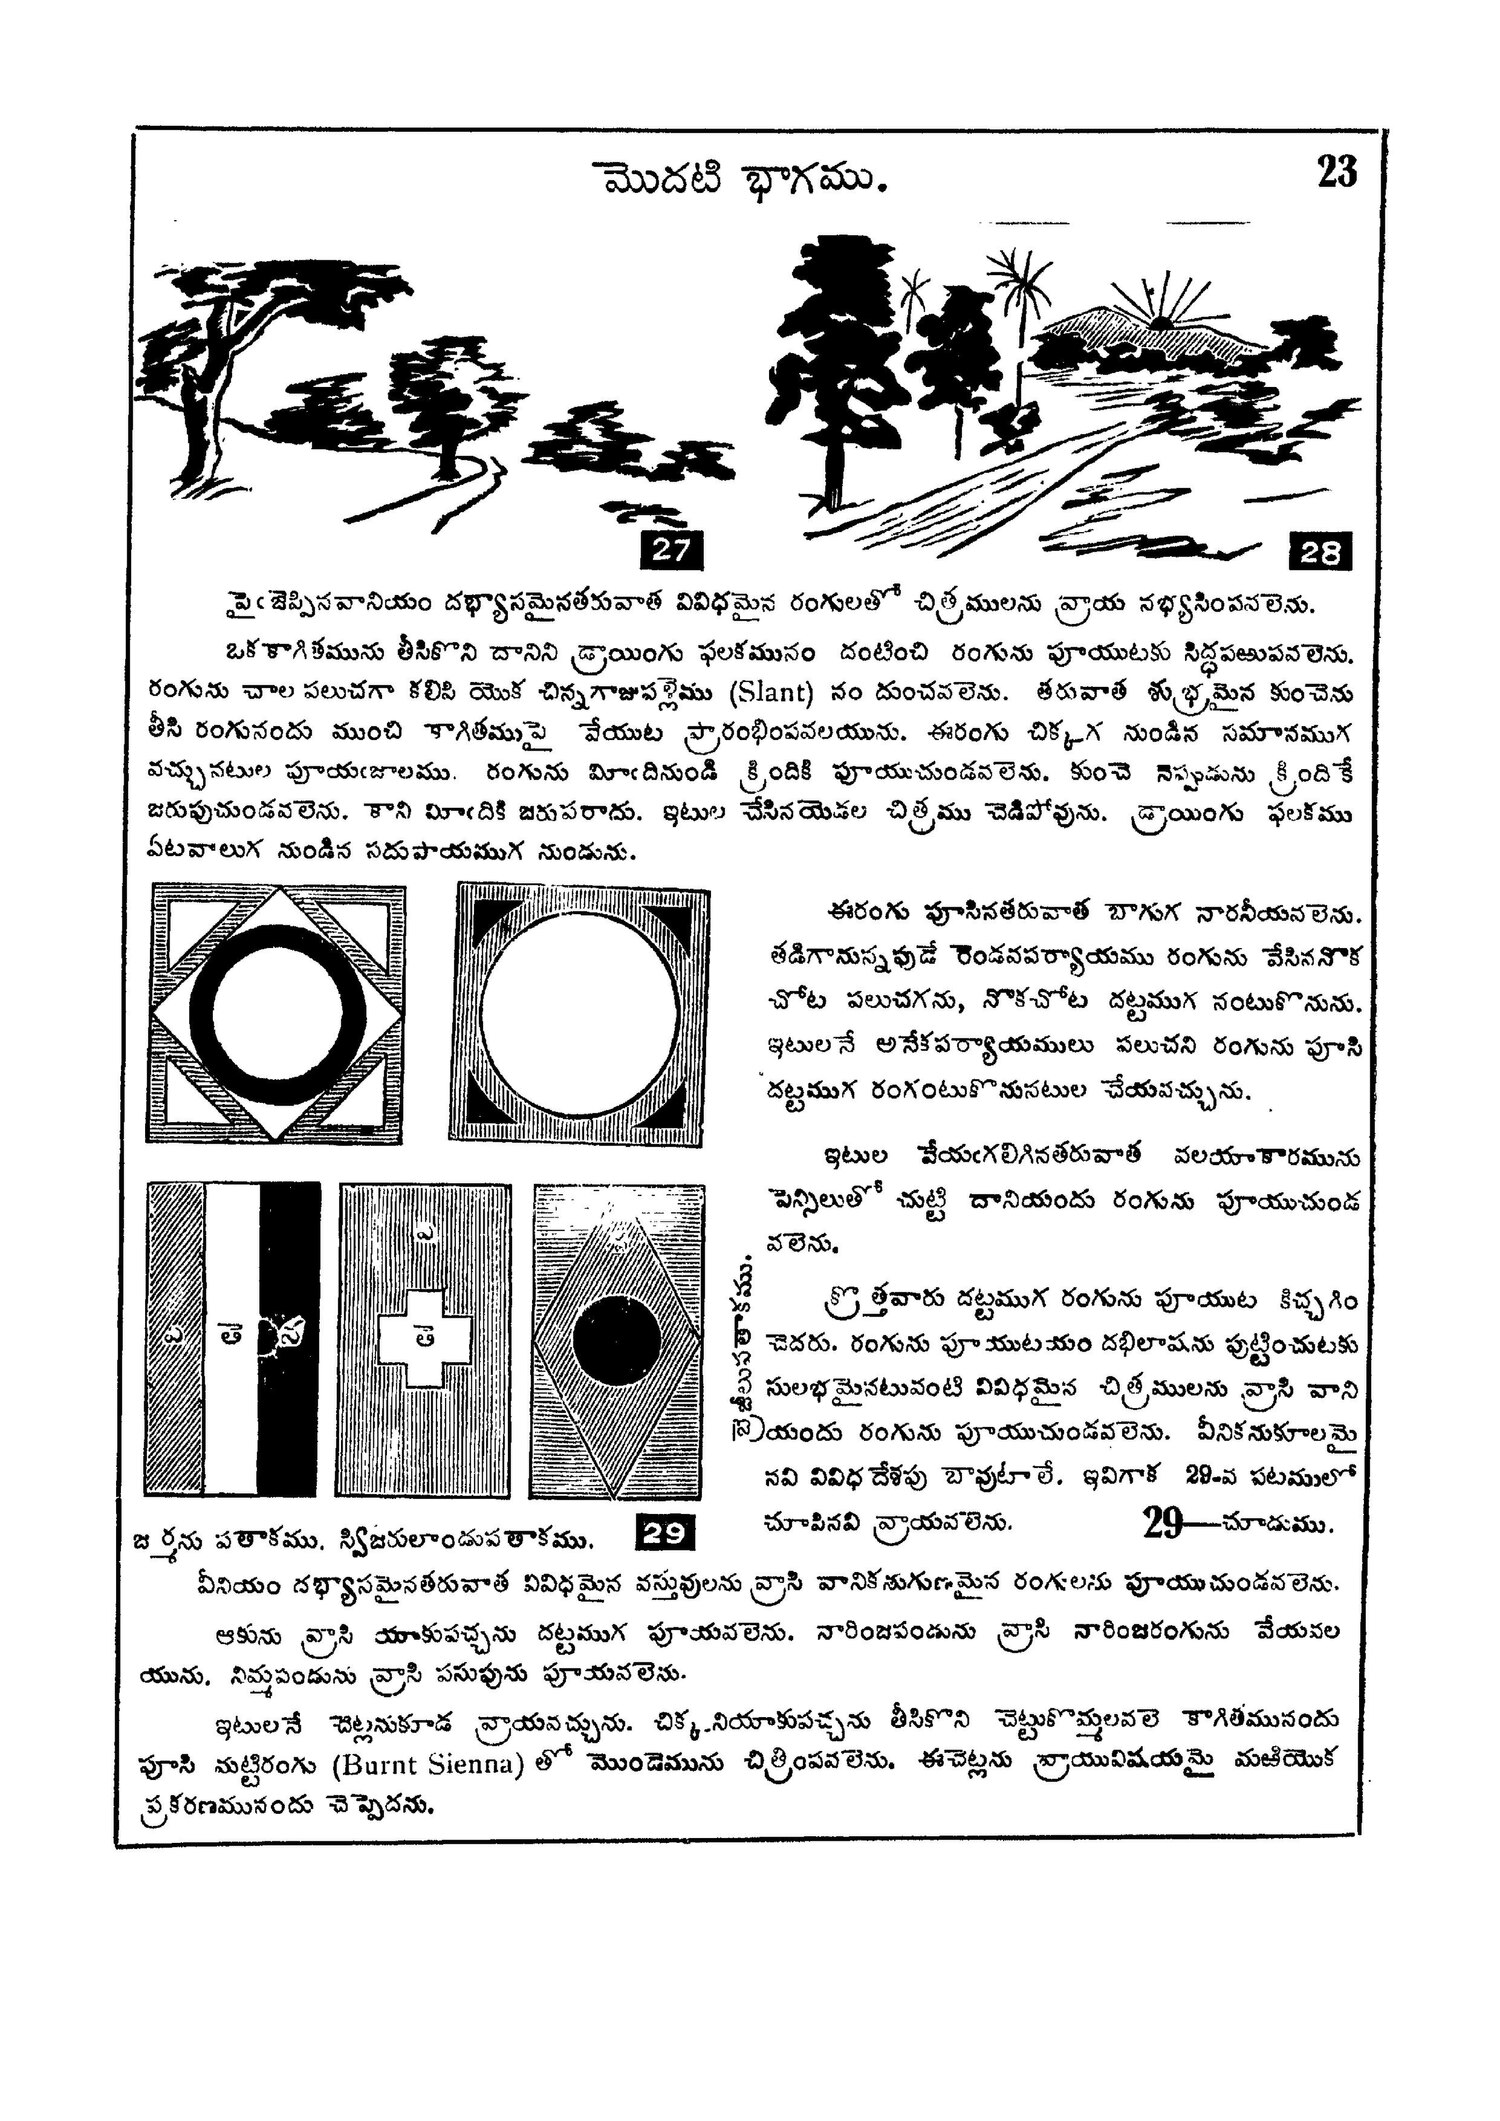పైఁజెప్పినవానియం దభ్యాసమైనతరువాత వివిధమైన రంగులతో చిత్రములను వ్రాయ నభ్యసింపవలెను. 

ఒక కాగితమును తీసికొని దానిని డ్రాయింగు ఫలకమునం దంటించి రంగును పూయుటకు సిద్ధపఱుపవలెను. రంగును చాల పలుచగా కలిపి యొక చిన్నగాజుపళ్లెము (slant) నం దుంచవలెను. తరువాత శుభ్రమైన కుంచెను తీసి రంగునందు ముంచి కాగితముపై వేయుట ప్రారంభింపవలయును. ఈరంగు చిక్కగ నుండిన సమానముగ వచ్చునటుల పూయజాలము. రంగును మీదినుండి క్రిందికి పూయుచుండవలెను. కుంచె నెప్పుడును క్రిందికే జరుపుచుండవలెను. కాని మీదికి జరుపరాదు. ఇటుల చేసినయెడల చిత్రము చెడిపోవును. డ్రాయింగు ఫలకము ఏటవాలుగ నుండిన సదుపాయముగ నుండును.

ఈరంగు పూసినతరువాత బాగుగ నారనీయవలెను. తడిగానున్నపుడే రెండవపర్యాయము రంగును వేసిననొకచోట పలుచగను, నొకచోట దట్టముగ నంటుకొనును. ఇటులనే అనేకపర్యాయములు పలుచని రంగును పూసి దట్టముగ రంగంటుకొనునటుల చేయవచ్చును.

ఇటుల వేయగలిగినతరువాత వలయాకారమును పెన్సిలుతో చుట్టి దానియందు రంగును పూయుచుండవలెను.

క్రొత్తవారు దట్టముగ రంగును పూయుట కిచ్చగించెదరు. రంగును పూయుటయం దభిలాషను పుట్టించుటకు సులభమైనటువంటి వివిధమైన చిత్రములను వ్రాసి వానియందు రంగును పూయుచుండవలెను. వీనికనుకూలమైనవి వివిధదేశపు బావుటాలే. ఇవిగాక 29 - వ పటములో చూపినవి వ్రాయవలెను. 29 - చూడుము.

వీనియం దభ్యాసమైనతరువాత వివిధమైన వస్తువులను వ్రాసి వానికనుగుణమైన రంగులను పూయుచుండవలెను.

ఆకును వ్రాసి యాకుపచ్చను దట్టముగ పూయవలెను. నారింజపండును వ్రాసి నారింజరంగును వేయవలయును. నిమ్మపండును వ్రాసి పసుపును పూయవలెను.

ఇటులనే చెట్లనుకూడ వ్రాయవచ్చును. చిక్కనియాకుపచ్చను తీసికొని చెట్టుకొమ్మలవలె కాగితమునందుపూసి మట్టిరంగు (Burnt Sienna) తో మొండెమును చిత్రింపవలెను. ఈచెట్లను వ్రాయువిషయమై మఱియొక ప్రకరణమునందు చెప్పెదను.